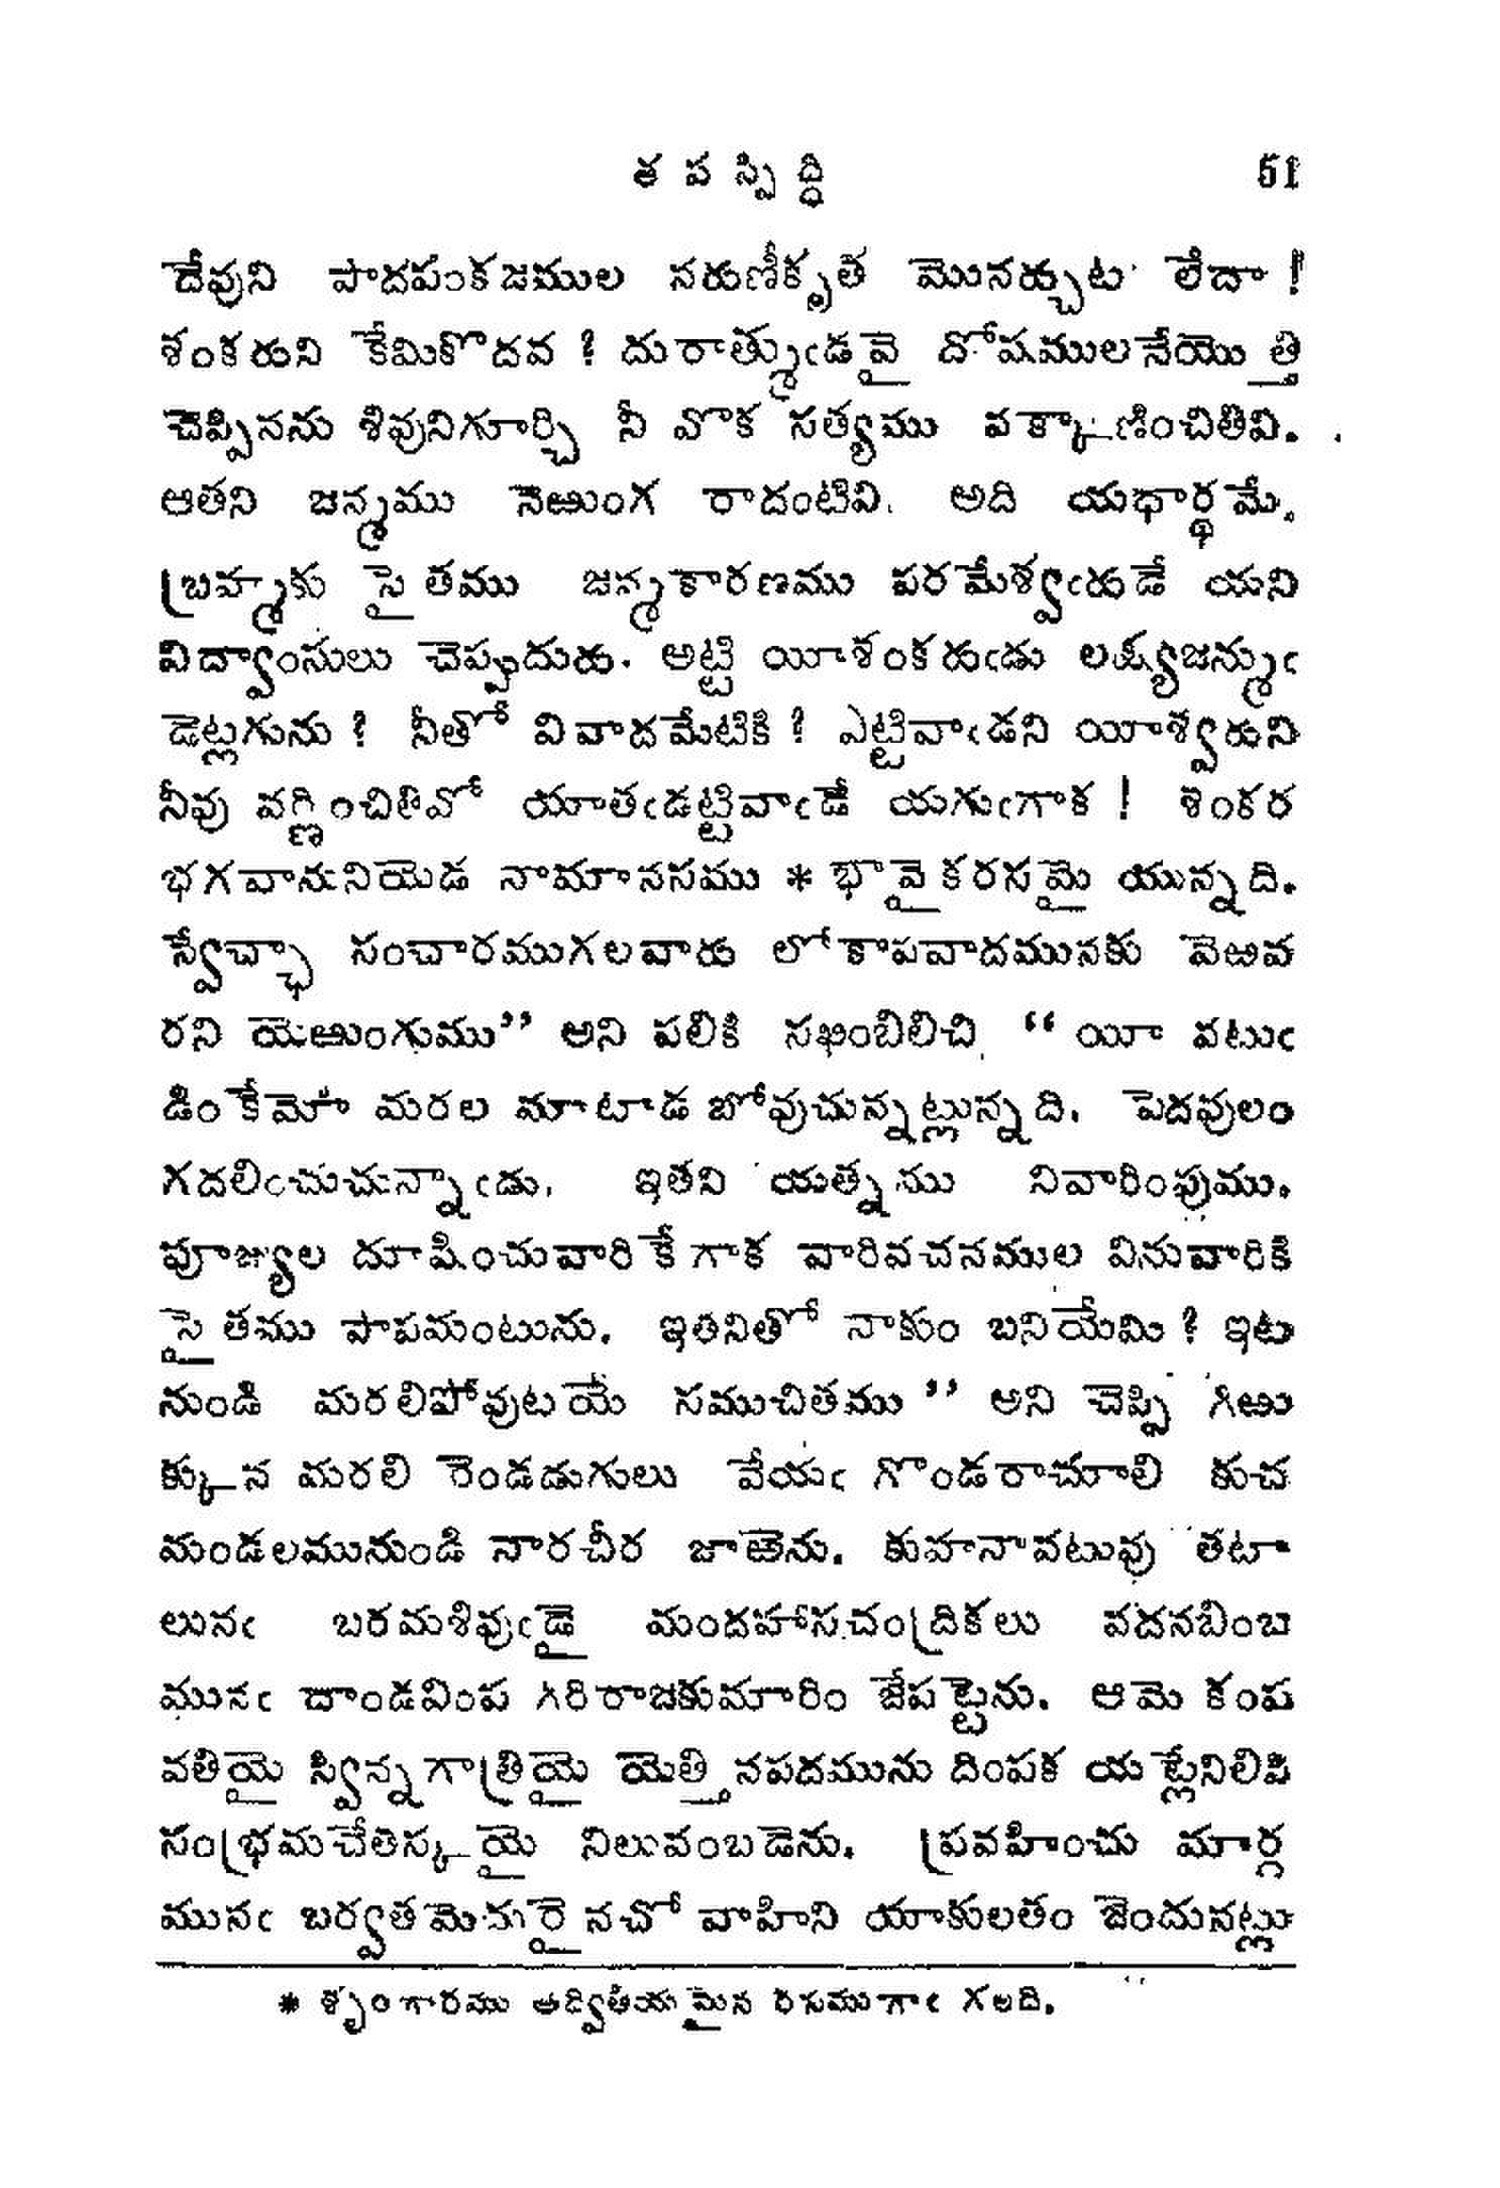"దేవుని పాదపంకజముల నరుణీకృత మొనర్చుట లేదా ! శంకరుని కేమి కొదవ ! దురాత్ముఁడపై దోషములనేయొత్తి
చెప్పినను శివుని గూర్చి నీ వొక సత్యము వక్కాణించితివి. ఆతని జన్మము నెఱుంగ రాదంటివి. అది యధార్థమే.
బ్రహ్మకు సైతము జన్మకారణము పరమేశ్వరుడే యని విద్వాంసులు చెప్పుదురు. అట్టి యీశంకరుఁడు లక్ష్యజన్ముఁ
డెట్లగును? నీతో వివాదమేటికి ? ఎట్టివాఁడని యీశ్వరుని నీవు వర్ణించితివో యాతఁడట్టివాఁడే యగుఁగాక ! శంకర
భగవానునియెడ నామానసము * భావైకరసమై యున్నది.
స్వేచ్ఛా సంచారము గలవారు లోకొపవాదమునకు వెఱవరని యెఱుంగుము” అని పలికి సఖిం బిలిచి. "యీ వటుఁ
డింకేమో మరల మాటాడ బోవుచున్నట్లున్నది. పెదవులం గదలించుచున్నాఁడు. ఇతని యత్నము నివారింపుము.
పూజ్యుల దూషించువారికే గాక వారివచనముల వినువారికి సైతము పాపమంటును. ఇతనితో నాకుం బనియేమి? ఇట
నుండి మరలిపోవుటయే సముచితము ” అని చెప్పి గిఱుక్కున మరలి రెండడుగులు వేయఁ గొండరాచూలి కుచ
మండలమునుండి నారచీర జాఱెను. కుహనావటువు తటాలునఁ బరమశివుఁడై మందహాస చంద్రికలు వదనబింబమునఁ దాండవింప గిరిరాజకుమారిం జేపట్టెను. ఆమె కంపవతియై స్విన్నగాత్రియై యెత్తి నపదమును దింపక యట్లే నిలిపి
సంభ్రమచేతస్కయై నిలువంబడెను. ప్రవహించు మార్గమునఁ బర్వత మెదురైనచో వాహిని యాకులతం జెందునట్లు